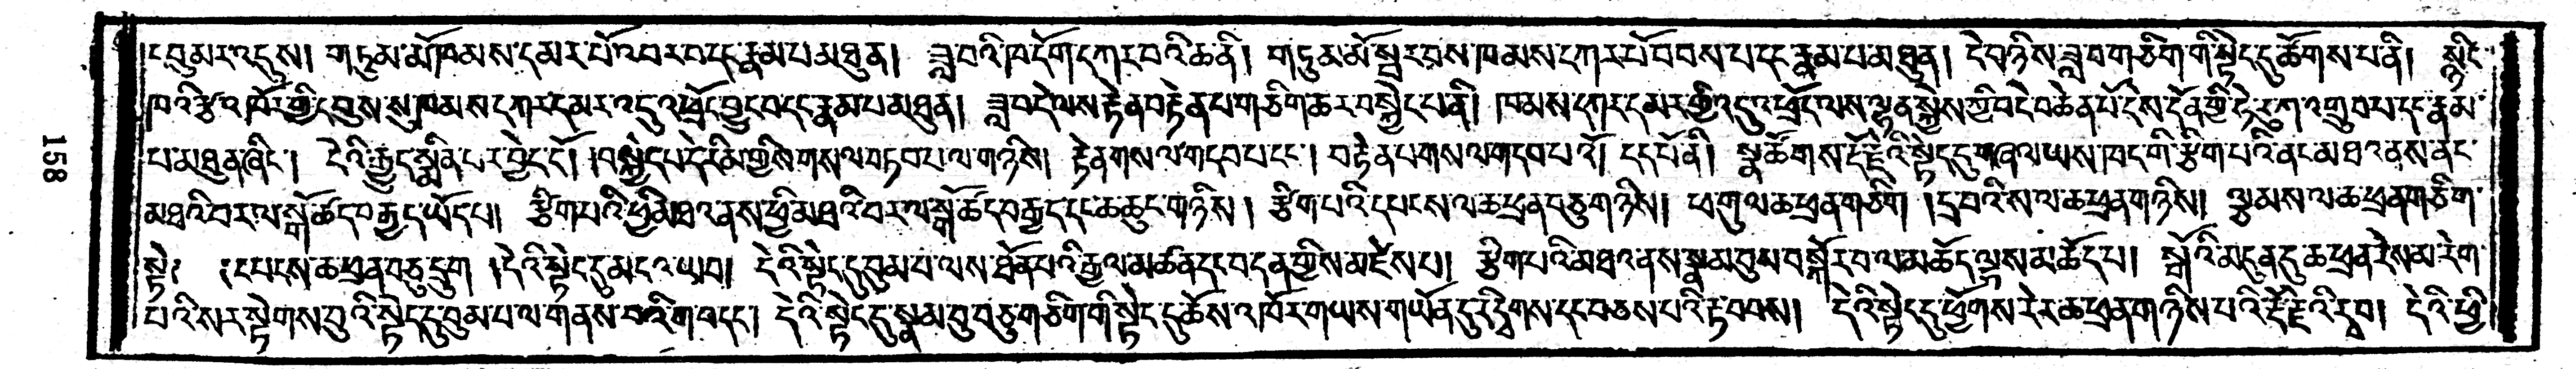དབུ་མར་འདུས། གཏུམ་མོ་ཁམས་དམར་པོ་འབར་བ་དང་རྣམ་པ་མཐུན། ཟླ་བའི་ཁ་དོག་དཀར་བའི་ཆ་ནི། གཏུམ་མོ་སྦར་བས་ཁམས་དཀར་པོ་བབས་པ་དང་རྣམ་པ་མཐུན། དེ་བ་ཉིས་ཟླ་བ་གཅིག་གི་སྟེད་དུ་ཚོགས་པ་ནི། སྙིང་
ཁའི་རྩ་འཁོར་གྱི་དབུས་སུ་ཁམས་དཀར་དམར་འདུ་འཕྲོད་བྱུང་བ་དང་རྣམ་པ་མཐུན། ཟླ་བདེ་ལས་རྟེན་བརྟེན་པ་གཅིག་ཆར་བསྐྱེད་པ་ནི། ཁམས་དཀར་དམར་གྱི་འདུ་འཕྲོད་ལས་ལྷན་སྐྱེས་ཀྱི་བདེ་བ་ཆེན་པོ་དེས་དོན་གྱི་ཧེ་རུ་ཀ་འགྲུབ་པ་དང་རྣམ་
པ་མཐུན་ཞིང་། དེའི་རྒྱུད་སྨིན་པར་བྱེད་དོ། །བསྐྱེད་པ་དེ་རིམ་གྱིས་གསལ་བཏབ་པ་ལ་གཉིས། རྟེན་གསལ་གདབ་པ་དང་། བརྟེན་པ་གསལ་གདབ་པའོ། དད་པོ་ནི། སྣ་ཚོགས་རྡོ་རྗེའི་སྟེང་དུ་གཞལ་ཡས་ཁང་གི་རྩིག་པའི་ནང་མཐའ་ནས་ནང་
མཐའི་བར་ལ་སྒོ་ཚད་བརྒྱད་ཡོད་པ། རྩིག་པའི་ཕྱི་མཐའ་ནས་ཕྱི་མཐའི་བར་ལ་སྒོ་ཚད་བརྒྱད་དང་ཆ་ཆུང་གཉིས། རྩིག་པའི་དཔངས་ལ་ཆ་ཕྲན་བཅུ་གཉིས། ཕ་གུལ་ཆ་ཕྲན་གཅིག །དྲ་བའི་ས་ལ་ཆ་ཕྲན་གཉིས། ལྕམས་ལ་ཆ་ཕྲན་གཅིག་
སྟེ༑ ༑དཔངས་ཆ་ཕྲན་བཅུ་དྲུག །དེའི་སྟེང་དུ་མངའ་ཡབ། དེའི་སྟེང་དུ་བུམ་པ་ལས་ཐོན་པའི་རྒྱལ་མཚན་དང་བ་དན་གྱིས་མཛེས་པ། རྩིག་པའི་མཐའ་ནས་སྣམ་བུས་བསྐོར་བ་ལ་མཆོད་ལྷས་མཆོད་པ། སྒོའི་མདུན་དུ་ཆ་ཕྲན་རེས་མ་རེག་
པའི་སར་སྟེགས་བུའི་སྟེད་དུ་བུམ་པ་ལ་གནས་བའི་ཀ་བ་དང་། དེའི་སྟེང་དུ་སྣམ་བུ་བཅུ་གཅིག་གི་སྟེང་དུ་ཆོས་འཁོར་གཡས་གཡོན་དུ་རི་དྭགས་དང་བཅས་པའི་རྟ་བབས། དེའི་སྟེང་དུ་ཕྱོགས་རེར་ཆ་ཕྲན་གཉིས་པའི་རྡོ་རྗེའི་རྭ་བ། དེའི་ཕྱི་